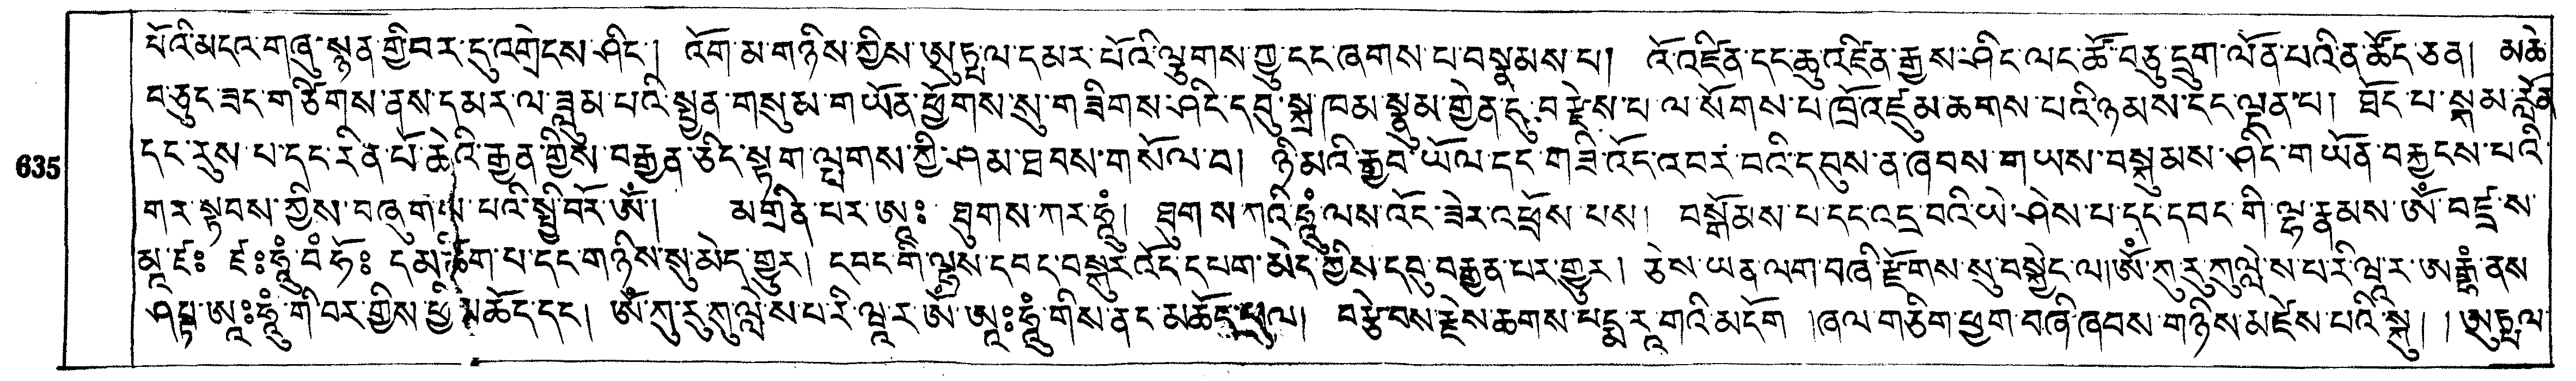པོའི་མདའ་གཞུ་སྙན་གྱི་བར་དུ་འགྲེངས་ཤིང་། འོག་མ་གཉིས་ཀྱིས་ཨུཏྤ་ལ་དམར་པོའི་ལྕགས་ཀྱུ་དང་ཞགས་པ་བསྣམས་པ། འོ་འཛིན་དང་ཆུ་འཛིན་རྒྱས་ཤིང་ལང་ཚོ་བཅུ་དྲུག་ལོན་པའི་ན་ཚོད་ཅན། མཆེ་
བ་ཅུང་ཟད་གཙིགས་ནས་དམར་ལ་ཟླུམ་པའི་སྤྱན་གསུམ་གཡོན་ཕྱོགས་སུ་གཟིགས་ཤིང་དབུ་སྐྲ་ཁམ་སྣུམ་གྱེན་དུ་བརྫེས་པ་ལ་སོགས་པ་ཁྲོ་འཛུམ་ཆགས་པའི་ཉམས་དང་ལྡན་པ། ཐོད་པ་སྐམ་རློན་
དང་རུས་པ་དང་རིན་པོ་ཆེའི་རྒྱན་གྱིས་བརྒྱན་ཅིང་སྟག་ལྤགས་ཀྱི་ཤམ་ཐབས་གསོལ་བ། ཉི་མའི་རྒྱབ་ཡོལ་དང་གཟི་འོད་འབར་བའི་དབུས་ན་ཞབས་གཡས་བསྐུམས་ཤིང་གཡོན་བརྐྱངས་པའི་
གར་སྟབས་ཀྱིས་བཞུགས་པའི་སྤྱི་བོར་ཨོཾ། མགྲིན་པར་ཨཱཿ ཐུགས་ཀར་ཧཱུཾ། ཐུགས་ཀའི་ཧཱུཾ་ལས་འོད་ཟེར་འཕྲོས་པས། བསྒོམས་པ་དང་འདྲ་བའི་ཡེ་ཤེས་པ་དང་དབང་གི་ལྷ་རྣམས་ཨོཾ་བཛྲ་ས་
མཱ་ཛཿ ཛཿ ཧཱུཾ་བཾ་ཧོཿ དམ་ཚིག་པ་དང་གཉིས་སུ་མེད་གྱུར། དབང་གི་ལྷས་དབང་བསྐུར་འོད་དཔག་མེད་ཀྱིས་དབུ་བརྒྱན་པར་གྱུར། ཅེས་ཡན་ལག་བཞི་རྫོགས་སུ་བསྐྱེང་ལ། ཨོཾ་ཀུ་རུ་ཀུ་ལླེ་ས་པ་རི་ཝཱ་ར་ཨརྒྷཾ་ནས་
ཤཔྟ་ཨཱཿ ཧཱུཾ་གི་བར་གྱིས་ཕྱི་མཆོད་དང་། ཨོཾ་ཀུ་རུ་ཀུ་ལླེ་ས་པ་རི་ཝཱ་ར་ཨོཾ་ཨཱཿ ཧཱུཾ་གིས་ནང་མཆོད་ཕུལ། བརྩེ་བས་རྗེས་ཆགས་པདམ་རཱ་གའི་མདོག །ཞལ་གཅིག་ཕྱག་བཞི་ཞབས་གཉིས་མཛེས་པའི་སྐུ། །ཨུཏྤལ་